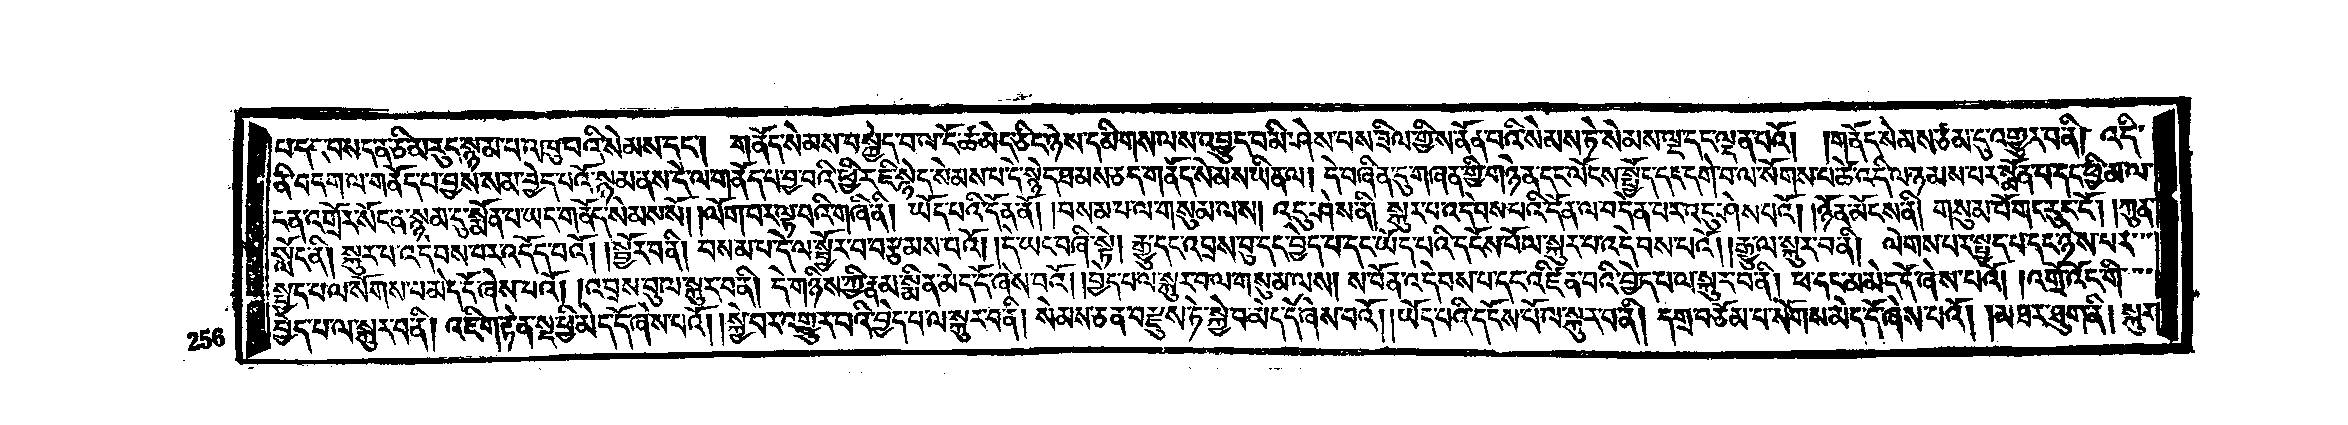པ་དང་བསད་ན་ཅི་མ་རུང་སྙམ་པ་འཁུ་བའི་སེམས་དང་། གནོད་སེམས་བསྐྱེད་པ་ལ་ངོ་ཚ་མེད་ཅིང་ཉེས་དམིགས་ལས་འབྱུང་བ་མི་ཤེས་པས་ཟིལ་གྱིས་ནོན་པའི་སེམས་ཏེ་སེམས་ལྔ་དང་ལྡན་པའོ། །གནོད་སེམས་ཙམ་དུ་འགྱུར་བ་ནི། འདི་
ནི་བདག་ལ་གནོད་པ་བྱས་སམ་བྱེད་པའོ་སྙམ་ནས་དེ་ལ་གནོད་པ་བྱ་བའི་ཕྱིར་ཇི་སྙེད་སེམས་པ་དེ་སྙེད་ཐམས་ཅད་གནོད་སེམས་ཡིན་ལ། དེ་བཞིན་དུ་གཞན་གྱི་གཉེན་དང་ལོངས་སྤྱོད་དང་དགེ་བ་ལ་སོགས་པ་ཚེ་འདི་ལ་ཉམས་པར་སྨོན་པ་དང་ཕྱི་མ་ལ་
ངན་འགྲོར་སོང་ན་སྙམ་དུ་སྨོན་པ་ཡང་གནོད་སེམས་སོ། །ལོག་པར་ལྟ་བའི་གཞི་ནི། ཡོད་པའི་དོན་ནོ། །བསམ་པ་ལ་གསུམ་ལས། འདུ་ཤེས་ནི། སྐུར་པ་འདེབས་པའི་དོན་ལ་བདེན་པར་འདུ་ཤེས་པའོ། །ཉོན་མོངས་ནི། གསུམ་པོ་གང་རུང་ངོ། །ཀུན་
སློང་ནི། སྐུར་པ་འདེབས་པར་འདོད་པའོ། །སྦྱོར་བ་ནི། བསམ་པ་དེ་ལ་སྦྱོར་བ་བརྩམས་པའོ། །དེ་ཡང་བཞི་སྟེ། རྒྱུ་དང་འབྲས་བུ་དང་བྱེད་པ་དང་ཡོད་པའི་དངོས་པོ་ལ་སྐུར་པ་འདེབས་པའོ། །རྒྱུ་ལ་སྐུར་བ་ནི། ལེགས་པར་སྤྱད་པ་དང་ཉེས་པར་
སྤྱད་པ་ལ་སོགས་པ་མེད་དོ་ཞེས་པའོ། །འབྲས་བུ་ལ་སྐུར་བ་ནི། དེ་གཉིས་ཀྱི་རྣམ་སྨིན་མེད་དོ་ཞེས་པའོ། །བྱེད་པ་ལ་སྐུར་བ་ལ་གསུམ་ལས། ས་བོན་འདེབས་པ་དང་འཛིན་པའི་བྱེད་པ་ལ་སྐུར་བ་ནི། ཕ་དང་མ་མེད་དོ་ཞེས་པའོ། །འགྲོ་འོང་གི་
བྱེད་པ་ལ་སྐུར་བ་ནི། འཇིག་རྟེན་སྔ་ཕྱི་མེད་དོ་ཞེས་པའོ། །སྐྱེ་བར་འགྱུར་བའི་བྱེད་པ་ལ་སྐུར་བ་ནི། སེམས་ཅན་བརྫུས་ཏེ་སྐྱེ་བ་མེད་དོ་ཞེས་པའོ། །ཡོད་པའི་དངོས་པོ་ལ་སྐུར་བ་ནི། དགྲ་བཅོམ་པ་སོགས་མེད་དོ་ཞེས་པའོ། །མཐར་ཐུག་ནི། སྐུར་